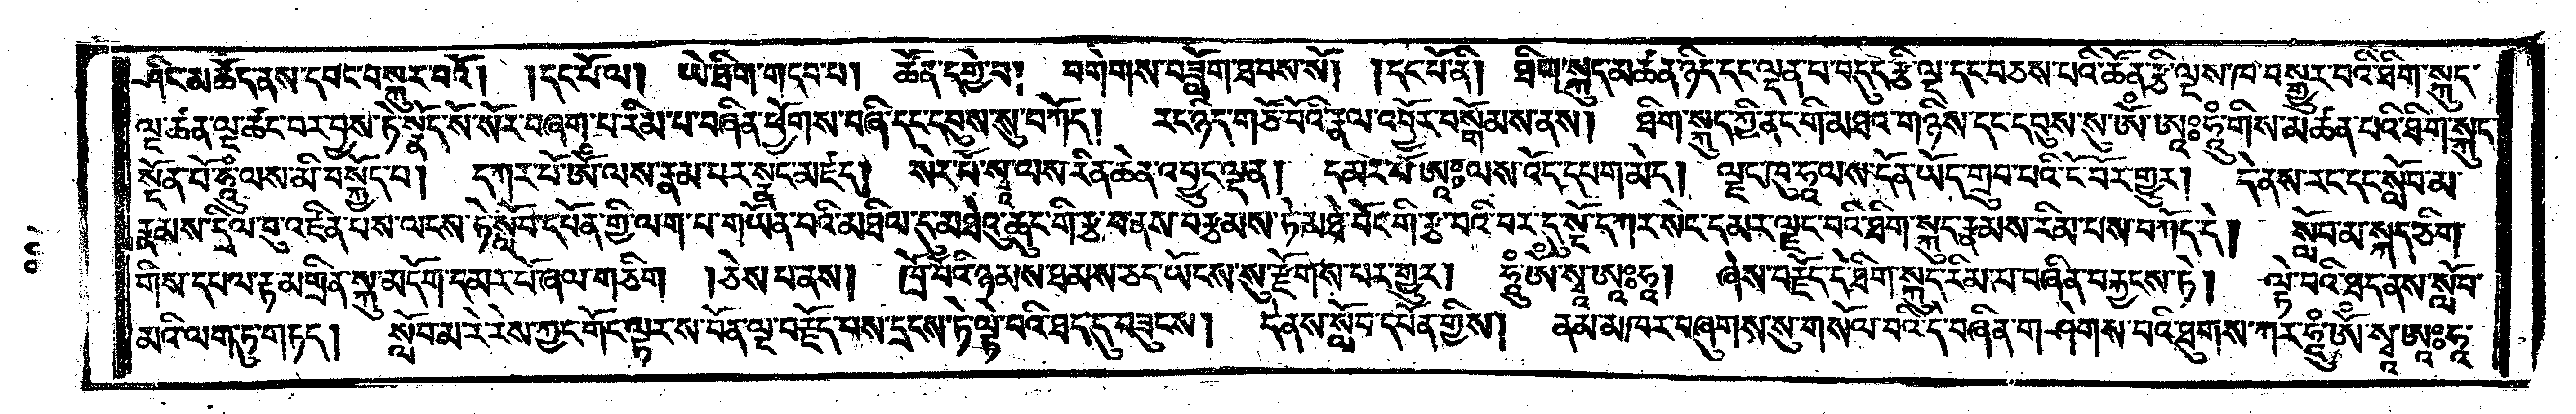ཤིང་མཆོད་ནས་དབང་བསྐུར་བའོ། །དང་པོ་ལ། ཡེ་ཐིག་གདབ་པ། ཚོན་དགྱེ་བ། བགེགས་བཟློག་ཐབས་སོ། །དང་པོ་ནི། ཐིག་སྐུད་མཚན་ཉིད་དང་ལྡན་པ་བདུད་རྩི་ལྔ་དང་བཅས་པའི་ཚོན་རྩི་ལྔས་ཁ་བསྒྱུར་བའི་ཐིག་སྐུད་
ལྔ་ཚན་ལྔ་ཚང་བར་བྱས་ཏེ་སྣོད་སོ་སོར་བཞག་པ་རིམ་པ་བཞིན་ཕྱོགས་བཞི་དང་དབུས་སུ་བཀོད། རང་ཉིད་གཙོ་བོའི་རྣལ་འབྱོར་བསྒོམས་ནས། ཐིག་སྐུད་ཀྱི་ནང་གི་མཐའ་གཉིས་དང་དབུས་སུ་ཨོཾ་ཨཱཿཧཱུཾ་གིས་མཚན་པའི་ཐིག་སྐུད་
སྔོན་པོ་ཧཱུཾ་ལས་མི་བསྐྱོད་བ། དཀར་པོ་ཨོཾ་ལས་རྣམ་པར་སྣང་མཛད། སེར་པོ་སྭཱ་ལས་རིན་ཆེན་འབྱུང་ལྡན། དམར་པོ་ཨཱཿ ལས་འོད་དཔག་མེད། ལྗང་ཁུ་ཧཱ་ལས་དོན་ཡོད་གྲུབ་པའི་ངོ་བོར་གྱུར། དེ་ནས་རང་དང་སློབ་མ་
རྣམས་དྲིལ་བུ་འཛིན་པས་ལངས་ཏེ་སློབ་དཔོན་གྱི་ལག་པ་གཡོན་པའི་མཐིལ་དུ་མཐེའུ་ཆུང་གི་རྩ་བ་ནས་བརྩམས་ཏེ་མཐེ་བོང་གི་རྩ་བའི་བར་དུ་སྔོ་དཀར་སེང་དམར་ལྗང་བའི་ཐིག་སྐུད་རྣམས་རིམ་པས་བཀོད་དེ། སློབ་མ་སྐད་ཅིག་
གིས་དཔལ་རྟ་མགྲིན་སྐུ་མདོག་དམར་པོ་ཞལ་གཅིག །ཅེས་པ་ནས། ཁྲོ་བོའི་ཉམས་ཐམས་ཅད་ཡོངས་སུ་རྫོགས་པར་གྱུར། ཧཱུཾ་ཨོཾ་སྭཱ་ཨཱཿཧཱ། ཞེས་བརྗོད་དེ་ཐིག་སྐུད་རིམ་པ་བཞིན་བརྐྱངས་ཏེ། ལྟེ་བའི་ཐད་ནས་སློབ་
མའི་ལག་ཏུ་གཏད། སློབ་མ་རེ་རེས་ཀྱང་གོང་ལྟར་ས་བོན་ལྔ་བརྗོད་པས་དྲངས་ཏེ་ལྟེ་བའི་ཐད་དུ་བཟུངས། དེ་ནས་སློབ་དཔོན་གྱིས། ནམ་མཁར་བཞུགས་སུ་གསོལ་བའི་དེ་བཞིན་གཤེགས་པའི་ཐུགས་ཀར་ཧཱུཾ་ཨོཾ་སྭཱ་ཨཱཿཧཱ་